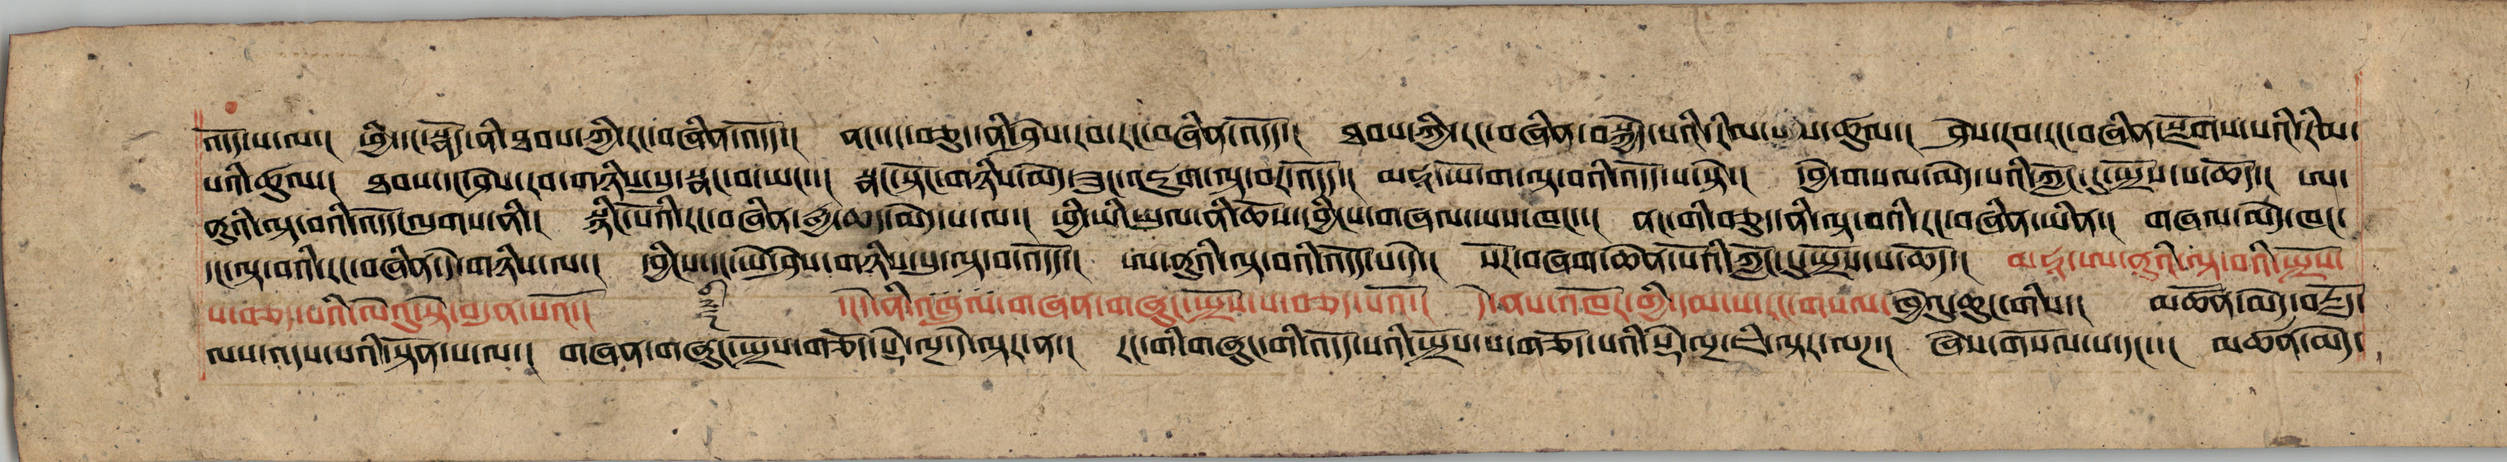འདོད་པ་ལ་། ཕྱི་དང་སྣོད་ནི་ཐབས་ཀྱི་རང་བཞིན་འདོད་། ནང་དང་བཅུད་ནི་ཤེས་རབ་རང་བཞིན་འདོད་། ཐབས་ཀྱི་རང་བཞིན་བསྐྱེད་པའི་རིམ་པས་ཚུལ་། ཤེས་རབ་རང་བཞིན་སྫོགས་པའི་རིམ་
པའི་ཚུལ་། ཐབས་དང་ཤེས་རབ་གཉིས་སུ་སྣང་བ་ཡང་་། སྣང་སྟོང་གཉིས་མེད་ཟུང་འཇུག་ལྟ་བར་འདོད་། མཧཱ་ཡོ་ག་ལྟ་བའི་འདོད་པ་སྟེ་། དབྱེ་གསལ་མེད་པའི་ཀློང་དུ་སྤྲོས་པ་ཆོད་། ཨ་
ནུའི་ལྟ་བའི་འདོད་ལུགས་ནི་། སྙིང་པོའི་རང་བཞིན་རྒྱ་ཆད་མེད་པ་ལ་། ཕྱི་ཡི་ཡུལ་ནི་ཆོས་དབྱིངས་གཞལ་ཡས་ཁང་་། ནང་གི་བཅུད་ནི་ལྟ་བའི་རང་བཞིན་ཡིན་། གཞལ་མེད་ཁང་
དང་ལྟ་བའི་རང་བཞིན་དེ་གཉིས་ལ་། དབྱིངས་དང་ཡེ་ཤེས་གཉིས་སུ་ལྟ་བ་འདོད་། ཨ་ནུའི་ལྟ་བའི་འདོད་པ་དེ་། སོར་བཞག་ཆེན་པོའི་ཀློང་དུ་སྤྲོས་པ་ཆོད་། མཧཱ་ཨ་ནུའི་ལྟ་བའི་སྤྲོས་
པ་བཅད་པའི་ལེའུ་སྟེ་བདུན་པའོ་། ༈ ་།དེ་ནི་འཁྲུལ་གཞན་གཞུང་སྤྲོས་པ་བཅད་པའོ་། དེ་ནས་འཁོར་གྱི་དམ་པ་རང་གསལ་ཁྱེའུ་ཆུང་གིས་། མཚོན་མེད་བརྗོད་
ལས་འདས་པའི་སྟོན་པ་ལ་། གཞན་གཞུང་སྤྲོས་གཅོད་སྡེ་ལྔ་དེ་ལྟར་ན་། རང་གི་གཞུང་གི་འདོད་པའི་སྤྲོས་པ་གཅོད་པའི་སྡེ་ལྔ་ཇི་ལྟར་ལཌ་། ཞེས་གསོལ་པ་དང་་། མཚན་མེད་